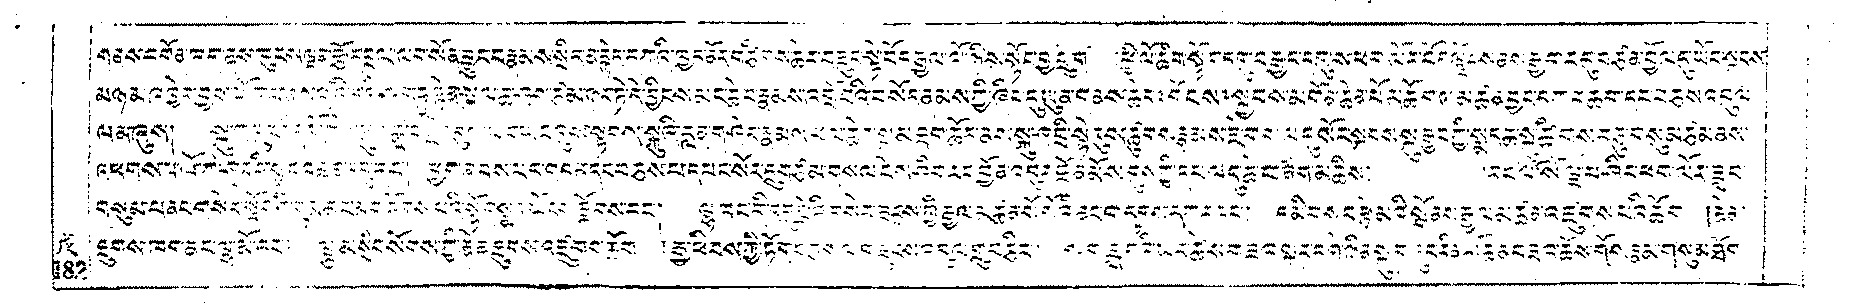གནས་དགོན་ཁག་ནས་ཁུངས་ལྡན་རྩོད་བྲལ་ལག་སོན་བྱུང་བ་རྣམས་སྲིད་ན་རྙེད་དཀའི་ཁྱད་ནོར་གཙིགས་ཆེར་བཟུང་སྟེ་བོད་རྒྱལ་ལོ་ཉིས་སྟོང་གྱ་དྲུག །ཕྱི་ལོ་ཆིག་སྟོང་དགུ་བརྒྱ་ང་དགུ་ས་ཕག་ལོར་བོད་ལྗོངས་ནས་རྒྱ་གར་དུ་བཙན་བྱོལ་དུ་ཡོང་སྐབས་
མཉམ་འཁྱེར་བྱས་ཡོད་པ་ནས་འདི་གའི་ཤག་ཏུ་རྟེན་སྐལ་ཆ་ཤས་ཙམ་ཉར་ཏེ་དེ་བྱིངས་མང་ཆེ་བ་རྣམས་འགྲོ་བའི་བསོད་ནམས་ཀྱི་ཞིང་དུ་ཡུན་གནས་ཆེད་༧གོང་ས་༧སྐྱབས་མགོན་ཆེན་པོ་མཆོག་ལ་མཚན་བྱང་དཀར་ཆག་དང་བཅས་འབུལ་
ལམ་ཞུས། སྐུ་གདུང་རིན་པོ་ཆེར་སྤུར་ཚྭ་བརྗེ་འབུལ་ཡང་ཡང་ཞུས་སྟབས་སྐུའི་རླན་གཤེར་རྣམས་ཕལ་ཆེར་སྐམ་ཐག་ཆོད་ནས་སྐུ་ཤ་བྲི་སྟེ་རུས་ཚུགས་རྣམས་ཇེ་གསལ་དུ་སོང་སྐབས་སྐུ་རྒྱབ་ཀྱི་སྨད་ཆ་སྐུ་ཚིགས་བཅུ་གསུམ་ཙམ་ནས་
འཕགས་པ་ལོ་ཀེ་ཤྭ་རའི་སྣང་བརྙན་དབུ་དང་། ཕྱག་ཞབས་པད་གདན་དང་བཅས་པ་དབང་སོར་དྲུག་ཙམ་གསལ་ངེས་ཤིང་རང་བྱོན་འབུར་ཐོན་མོས་གུས་ཀྱི་དཔལ་དུ་ཆེ་བ་ཞིག་མཆིས། །རང་ལོ་སོ་ལྔ་པ་ཤིང་ཕག་ལོར་ཟླ་བ་
གསུམ་པ་ནང་གསེར་སྡོང་གི་བུམ་ནང་མ་གཏོགས་པའི་སྟོད་སྨད་ཡོངས་རྫོགས་དང་། ལྷ་ཁང་གི་དབུ་རྩེའི་གསེར་ཟངས་ཀྱི་རྒྱལ་མཚན་སོ་སོའི་ནང་གདུགས་དཀར་དང་། དམིགས་བརྩེ་མའི་སྒོ་ནས་རྒྱལ་མཚན་འཛུགས་པའི་ཆོག། རྟེན་
ཐུགས་ཁག་ནང་ལྷ་མོ་དང་། ལྕམ་སྲིང་སོགས་ཀྱི་རྟེན་ཐུགས་འཛུགས་ཆོག །རྒྱ་ཕིབས་ཀྱི་ཏོག་བཅས་ལ་གཟུངས་འབུལ་གྲུབ་ཅིང་། ས་ག་ཟླ་བའི་ཡར་ཚེས་གཟའ་སྐར་དགེ་ཉིན་སྐུ་གདུང་རིན་པོ་ཆེ་ན་བཟའ་ཆོས་གོས་རྣམ་གསུམ་ཐོག་